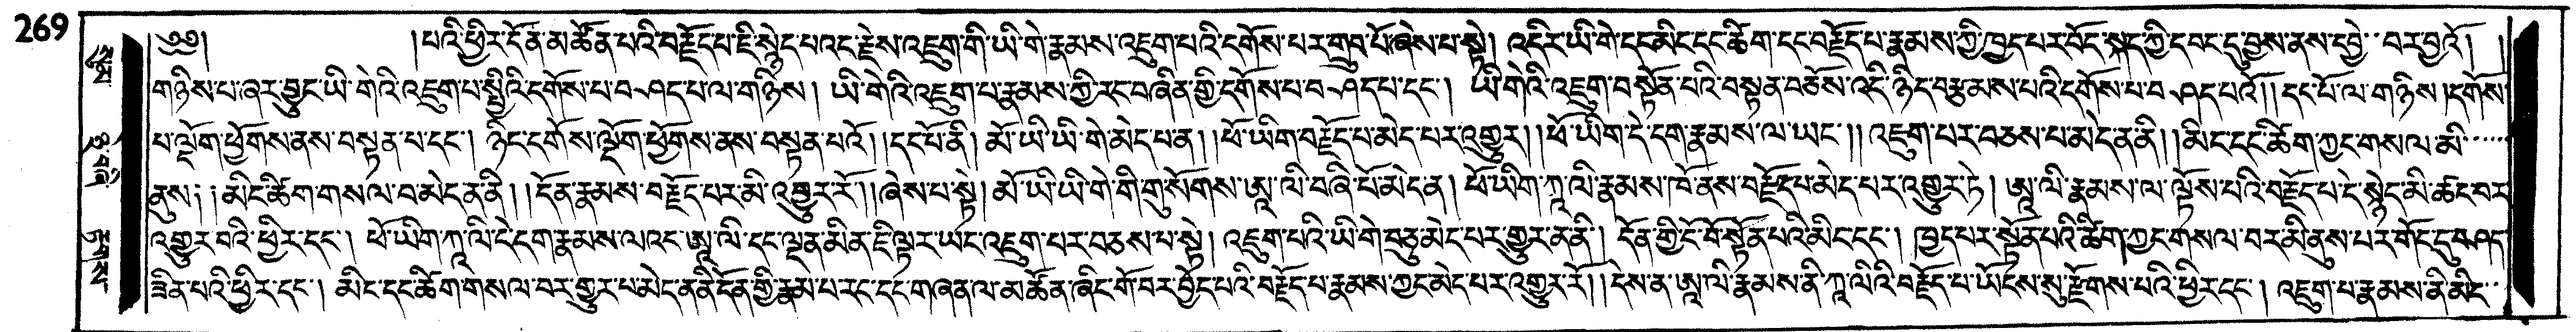༄༅། །པའི་ཕྱིར་དོན་མཚོན་པའི་བརྗོད་པ་ཇི་སྙེད་པའང་རྗེས་འཇུག་གི་ཡི་གེ་རྣམས་འཇུག་པའི་དགོས་པར་གྲུབ་པོ་ཞེས་པ་སྟེ། འདིར་ཡི་གེ་དང་མིང་དང་ཚིག་དང་བརྗོད་པ་རྣམས་ཀྱི་ཁྱད་པར་བོད་སྐད་ཀྱི་དབང་དུ་བྱས་ནས་དབྱེ་་་བར་བྱའོ། །
གཉིས་པ་ཞར་བྱུང་ཡི་གེའི་འཇུག་པ་སྤྱིའི་དགོས་པ་བཤད་པ་ལ་གཉིས། ཡི་གེའི་འཇུག་པ་རྣམས་ཀྱི་རང་བཞིན་གྱི་དགོས་པ་བཤད་པ་དང་། ཡི་གེའི་འཇུག་བསྟོན་པའི་བསྟན་བཅོས་འདི་ཉིད་བརྩམས་པའི་དགོས་པ་བཤད་པའོ། །དང་པོ་ལ་གཉིས། དགོས་
པ་ལྡོག་ཕྱོགས་ནས་བསྟན་པ་དང་། ཉིད་དགོས་ལྡོག་ཕྱོགས་ནས་བསྟན་པའོ། །དང་པོ་ནི། མོ་ཡི་ཡི་གེ་མེད་པ་ན། །ཕོ་ཡིག་བརྗོད་པ་མེད་པར་འགྱུར། །ཕོ་ཡིག་དེ་དག་རྣམས་ལ་ཡང་། །འཇུག་པར་བཅས་པ་མེད་ན་ནི། །མིང་དང་ཚིག་ཀྱང་གསལ་མི་
ནུས༑ ༑མིང་ཚིག་གསལ་བ་མེད་ན་ནི། །དོན་རྣམས་བརྗོད་པར་མི་འགྱུར་རོ། །ཞེས་པ་སྟེ། མོ་ཡི་ཡི་གེ་གི་གུ་སོགས་ཨའ་ལི་བཞི་པོ་མེད་ན། ཕོ་ཡིག་ཀའ་ལི་རྣམས་ཁོ་ནས་བརྗོད་པ་མེད་པར་འགྱུར་ཏེ། ཨའ་ལི་རྣམས་ལ་ལྟོས་པའི་བརྗོད་པ་དེ་སྙེད་མི་ཚང་བར་
འགྱུར་བའི་ཕྱིར་དང་། ཕོ་ཡིག་ཀཱ་ལི་དེ་དག་རྣམས་ལའང་ཨའ་ལི་དང་ལྡན་མིན་ཇི་ལྟར་ཡང་འཇུག་པར་བཅས་པ་སྟེ། འཇུག་པའི་ཡི་གེ་བཅུ་མེད་པར་གྱུར་ན་ནི། དོན་གྱི་ངོ་བོ་སྟོན་པའི་མིང་དང་། ཁྱད་པར་སྟོན་པའི་ཚིག་ཀྱང་གསལ་བར་མི་ནུས་པར་གོང་དུ་བཤད་
ཟིན་པའི་ཕྱིར་དང་། མིང་དང་ཚིག་གསལ་བར་གྱུར་པ་མེད་ན་ནོ་དོན་གྱི་རྣམ་པར་རང་དང་གཞན་ལ་མཚོན་ཞིང་གོ་བར་བྱེད་པའི་བརྗོད་པ་རྣམས་ཀྱང་མེད་པར་འགྱུར་རོ། །དེས་ན་ཨའ་ལི་རྣམས་ནི་ཀཱ་ལིའི་བརྗོད་པ་ཡོངས་སུ་རྫོགས་པའི་ཕྱིར་དང་། འཇུག་པ་རྣམས་ནི་མིང་